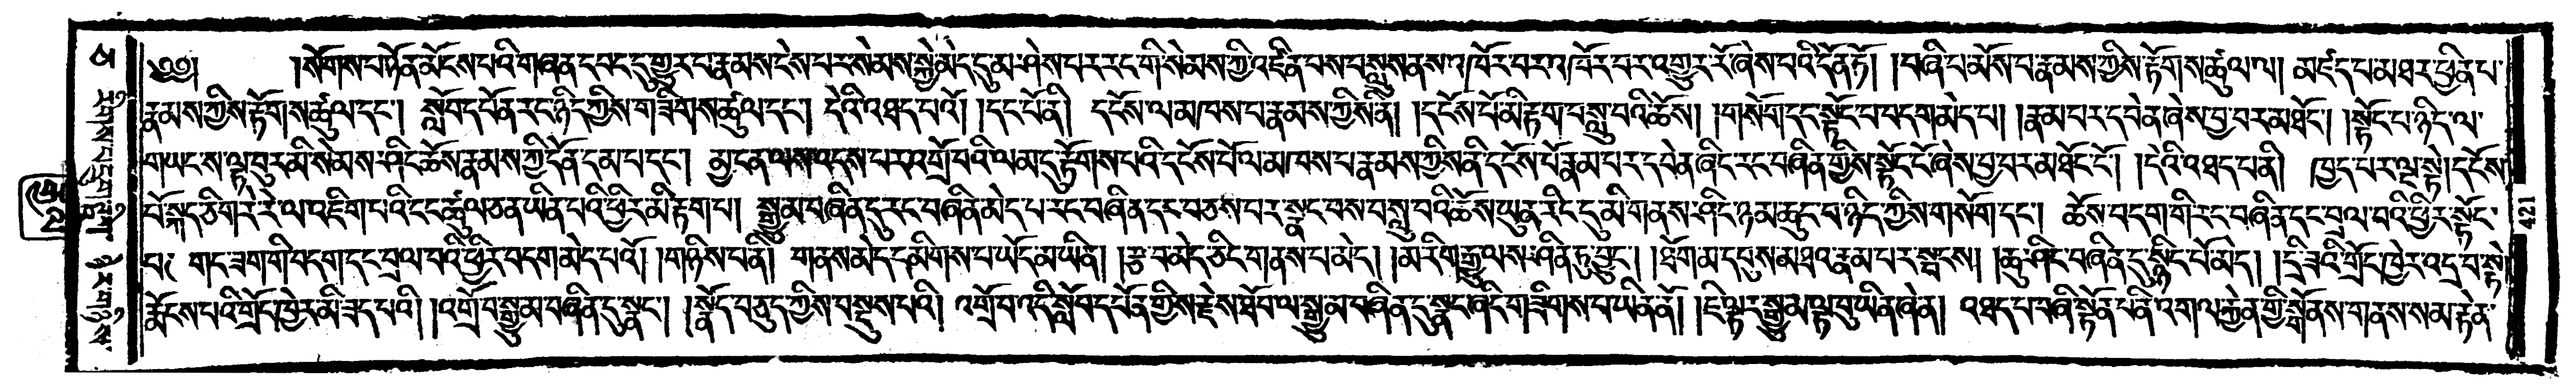༄༅། །སོགས་པ་ཉོན་མོངས་པའི་གཞན་དབང་དུ་གྱུར་པ་རྣམས་ངེས་པར་སེམས་སྐྱེ་མེད་དུ་མ་ཤེས་པར་རང་གི་སེམས་ཀྱི་འཛིན་པས་བསླུས་ནས་འཁོར་བར་འཁོར་བར་འགྱུར་རོ་ཞེས་པའི་དོན་ཏོ། །བཞི་པ་མོས་པ་རྣམས་ཀྱིས་རྟོགས་ཚུལ་ལ། མཛད་པ་མཐར་ཕྱིན་པ་
རྣམས་ཀྱིས་རྟོགས་ཚུལ་དང་། སློབ་དཔོན་རང་ཉིད་ཀྱིས་གཟིགས་ཚུལ་དང་། དེའི་འཐད་པའོ། །དང་པོ་ནི། དངོས་ལ་མཁས་པ་རྣམས་ཀྱིས་ནི། །དངོས་པོ་མི་རྟག་བསླུ་བའི་ཆོས། །གསོག་དང་སྟོང་པ་བདག་མེད་པ། །རྣམ་པར་དབེན་ཞེས་བྱ་བར་མཐོང་། །སྟོང་པ་ཉིད་ལ་
གཡང་ས་ལྟ་བུར་མི་སེམས་ཤིང་ཆོས་རྣམས་ཀྱི་དོན་དམ་པ་དང་། མྱ་ངན་ལས་འདས་པར་འགྲོ་བའི་ལམ་དུ་རྟོགས་པའི་དངོས་པོ་ལ་མཁས་པ་རྣམས་ཀྱིས་ནི་དངོས་པོ་རྣམ་པར་དབེན་ཞིང་རང་བཞིན་གྱིས་སྟོང་ངོ་ཞེས་བྱ་བར་མཐོང་ངོ། །དེའི་འཐད་པ་ནི། ཁྱད་པར་ལྔ་སྟེ། དངོས་
པོ་སྐད་ཅིག་རེ་རེ་ལ་འཇིག་པའི་ངང་ཚུལ་ཅན་ཡིན་པའི་ཕྱིར་མི་རྟག་པ། སྒྱུ་མ་བཞིན་དུ་རང་བཞིན་མེད་པ་རང་བཞིན་དང་བཅས་པར་སྣང་བས་བསླུ་བའི་ཆོས་ཡུན་རིང་དུ་མི་གནས་ཤིང་ཉམ་ཆུང་བ་ཉིད་ཀྱིས་གསོག་དང་། ཆོས་བདག་གི་རང་བཞིན་དང་བྲལ་བའི་ཕྱིར་སྟོང་
པ། གང་ཟག་གི་བདག་དང་བྲལ་བའི་ཕྱིར་བདག་མེད་པའོ། །གཉིས་པ་ནི། གནས་མེད་དམིགས་པ་ཡོད་མ་ཡིན། །རྩ་བ་མེད་ཅིང་གནས་པ་མེད། །མ་རིག་རྒྱུ་ལས་ཤིན་ཏུ་བྱུང་། །ཐོག་མ་དབུས་མཐའ་རྣམ་པར་སྤངས། །ཆུ་ཤིང་བཞིན་དུ་སྙིང་པོ་མེད། །དྲི་ཟའི་གྲོང་ཁྱེར་འདྲ་བ་སྟེ་
རྨོངས་པའི་གྲོང་ཁྱེར་མི་ཟད་པའི། །འགྲོ་བ་སྒྱུ་མ་བཞིན་དུ་སྣང་། །སྣོད་བཅུད་ཀྱིས་བསྡུས་པའི། འགྲོ་བ་འདི་སློབ་དཔོན་གྱིས་རྗེས་ཐོབ་ལ་སྒྱུ་མ་བཞིན་དུ་སྣང་ཞིང་གཟིགས་པ་ཡིན་ནོ། །ཇི་ལྟར་སྒྱུ་མ་ལྟ་བུ་ཡིན་ཞེ་ན། འཐད་པ་བཞི་སྟོན་པ་ནི་འགལ་རྐྱེན་གྱི་སྒོ་ནས་གནས་སམ་རྟེན་